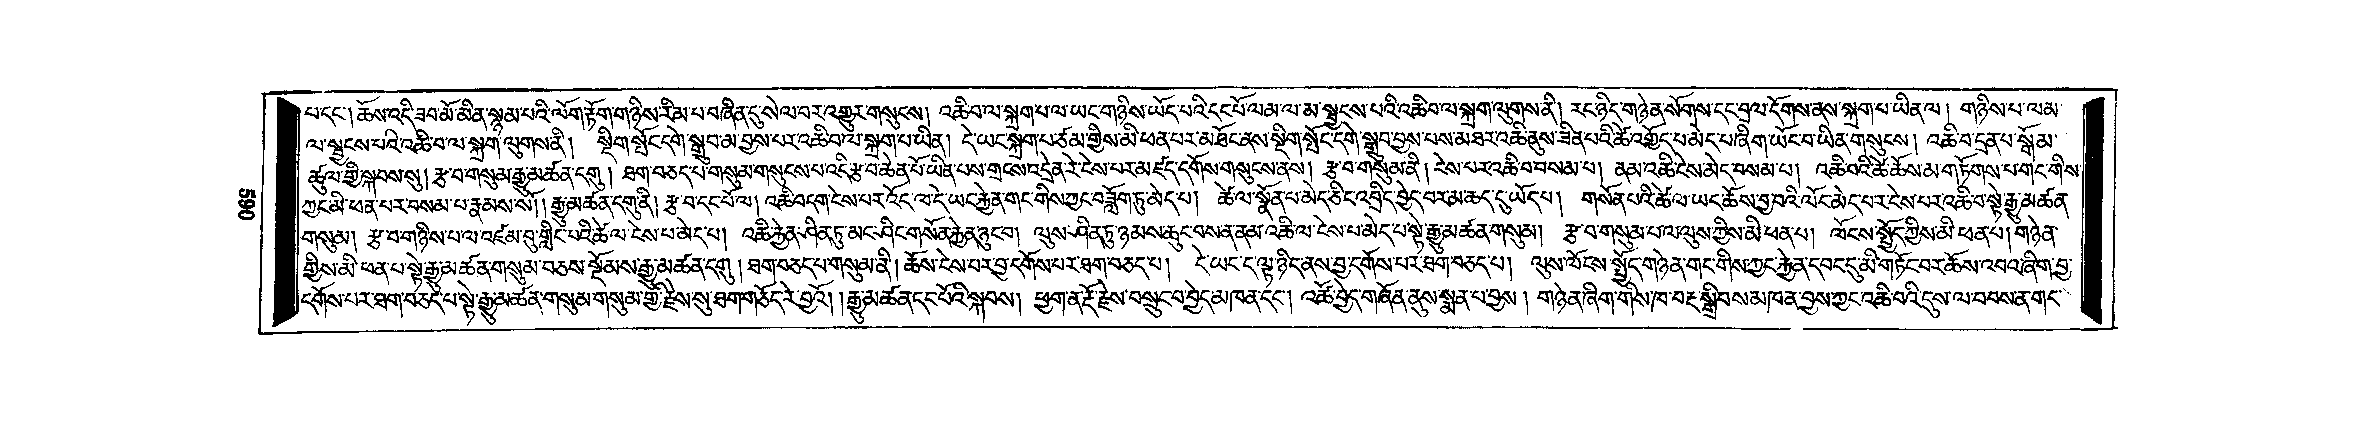པ་དང་། ཆོས་འདི་ཟབ་མོ་མིན་སྙམ་པའི་ལོག་རྟོག་གཉིས་རིམ་པ་བཞིན་དུ་སེལ་བར་འགྱུར་གསུངས། འཆི་བ་ལ་སྐྲག་པ་ལ་ཡང་གཉིས་ཡོད་པའི་དང་པོ་ལམ་ལ་མ་སྦྱངས་པའི་འཆི་བ་ལ་སྐྲག་ལུགས་ནི། རང་ཉིད་གཉེན་སོགས་དང་བྲལ་དོགས་ནས་སྐྲག་པ་ཡིན་ལ། གཉིས་པ་ལམ་
ལ་སྦྱངས་པའི་འཆི་བ་ལ་སྐྲག་ལུགས་ནི། སྡིག་སྤོང་དགེ་སྒྲུབ་མ་བྱས་པར་འཆི་བ་ལ་སྐྲག་པ་ཡིན། དེ་ཡང་སྐྲག་པ་ཙམ་གྱིས་མི་ཕན་པར་མཐོང་ནས་སྡིག་སྤོང་དགེ་སྒྲུབ་བྱས་པས་མཐར་འཆི་ནུས་ཟིན་པའི་ཚེ་འགྱོད་པ་མེད་པ་ཞིག་ཡོང་བ་ཡིན་གསུངས། འཆི་བ་དྲན་པ་སྒོམ་
ཚུལ་གྱི་སྐབས་སུ། རྩ་བ་གསུམ་རྒྱུ་མཚན་དགུ །ཐག་བཅད་པ་གསུམ་གསུངས་པ་འདི་རྩ་བ་ཆེན་པོ་ཡིན་པས་གྲངས་འདྲེན་རེ་ངེས་པར་མཛད་དགོས་གསུངས་ནས། རྩ་བ་གསུམ་ནི། ངེས་པར་འཆི་བ་བསམ་པ། ནམ་འཆི་ངེས་མེད་བསམ་པ། འཆི་བའི་ཚེ་ཆོས་མ་གཏོགས་པ་གང་གིས་
ཀྱང་མི་ཕན་པར་བསམ་པ་རྣམས་སོ། །རྒྱུ་མཚན་དགུ་ནི། རྩ་བ་དང་པོ་ལ། འཆི་བདག་ངེས་པར་འོད་ལ་དེ་ཡང་རྐྱེན་གང་གིས་ཀྱང་བཟློག་ཏུ་མེད་པ། ཚེ་ལ་སྣོན་པ་མེད་ཅིང་འབྲིད་བྱེད་བར་མ་ཆད་དུ་ཡོད་པ། གསོན་པའི་ཚེ་ལ་ཡང་ཆོས་བྱ་བའི་ལོང་མེད་པར་ངེས་པར་འཆི་བ་སྟེ་རྒྱུ་མཚན་
གསུམ། རྩ་བ་གཉིས་པ་ལ་འཛམ་བུ་གླིང་པའི་ཚེ་ལ་ངེས་པ་མེད་དཔ། འཆི་རྐྱེན་ཤིན་ཏུ་མང་ཤིང་གསོན་རྐྱེན་ཉུང་བ། ལུས་ཤིན་ཏུ་ཉམས་ཆུང་བས་ན་ནམ་འཆི་ལ་ངེས་པ་མེད་པ་སྟེ་རྒྱུ་མཚན་གསུམ། རྩ་བ་གསུམ་པ་ལ་ལུས་ཀྱིས་མི་ཕན་པ། ལོངས་སྤྱོད་ཀྱིས་མི་ཕན་པ། གཉེན་
གྱིས་མི་ཕན་པ་སྟེ་རྒྱུ་མཚན་གསུམ་བཅས་སྡོམས་རྒྱུ་མཚན་དགུ །ཐག་བཅད་པ་གསུམ་ནི། ཆོས་ངེས་པར་བྱ་དགོས་པར་ཐག་བཅད་པ། དེ་ཡང་ད་ལྟ་ཉིད་ནས་བྱ་དགོས་པར་ཐག་བཅད་པ། ལུས་ལོངས་སྤྱོད་གཉེན་གང་གིས་ཀྱང་རྐྱེན་དབང་དུ་མི་གཏོང་བར་ཆོས་འབའ་ཞིག་བྱ་
དགོས་པར་ཐག་བཅད་པ་སྟེ་རྒྱུ་མཚན་གསུམ་གསུམ་གྱི་རྗེས་སུ་ཐག་གཅོད་རེ་བྱའོ། །རྒྱུ་མཚན་དང་པོའི་སྐབས། ཕྱག་ན་རྡོ་རྗེས་བསྲུང་བ་བྱེད་མཁན་དང་། འཚོ་བྱེད་གཞོན་ནུས་སྨན་པ་བྱས། གཉེན་ཞིག་གིས་ཁ་བརྡ་སྒྲིབས་མཁན་བྱས་ཀྱང་འཆི་བའི་དུས་ལ་བབས་ན་གང་